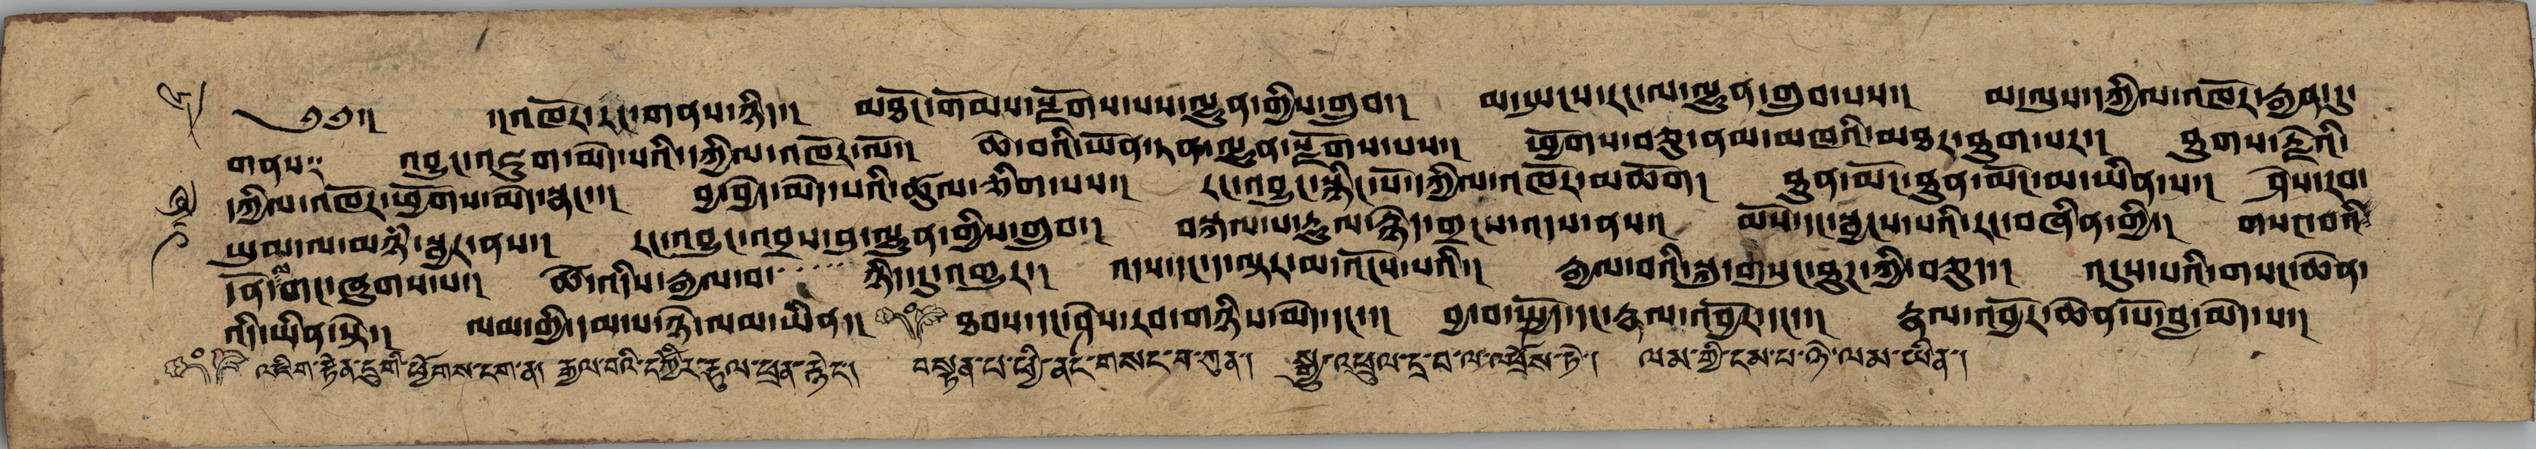༄༅་། ་།འཁོར་རང་གནས་ཉིད་། མཐོང་གོམས་སྫོགས་པས་ལྷུན་གྱིས་གྲུབ་། མ་སྤངས་རང་ལ་ལྷུན་གྲུབ་པས་། མ་ལུས་དཀྱིལ་འཁོར་རྒྱན་དུ་
གནས༑ འབྱུང་འཇུག་མེད་པའི་དཀྱིལ་འཁོར་ལོ་། ཆེ་བའི་ཡོན་ཏན་ལྷུན་སྫོགས་པས་། ཕྱོགས་བཅུ་ནམ་མཁའི་མཐར་ཐུག་པར་། ཐུགས་རྗེའི་
དཀྱིལ་འཁོར་ཕྱོགས་མེད་སྣང་་། བྱ་བྱེད་མེད་པའི་ཚུལ་ཅིག་པས་། རང་འབྱུང་སྙིང་པོ་དཀྱིལ་འཁོར་མཆོག། ཐུན་མོང་ཐུན་མོང་མ་ཡིན་པ་། ཤེས་རབ་
ཡུམ་ལ་མཉཾ་སྦྱར་ནས་། རང་འབྱུང་འབྲས་བུ་ལྷུན་གྱིས་གྲུབ་། བསྐལ་པ་རྡུལ་རྙེད་གྲངས་འདས་ནས་། མོས་དང་སྦྱངས་པའི་རང་བཞིན་གྱི་། གསང་བའི་
དོན་ལ་གང་ཞུགས་པ་། ཚེ་འདིས་རྒྱལ་བ་་་་་ཉིད་དུ་འགྱུར་། འདས་དང་ད་ལྟར་མ་འོངས་པའི་། རྒྱལ་བའི་སྐུ་གསུང་ཐུཌ་ཀྱི་བཅུད་། འདུས་པའི་གསང་ཆེན་
འདི་ཡིན་སྟེ་། ལམ་གྱི་དམ་པ་ཉེ་ལམ་ཡིན་། ཐབས་དང་ཤེས་རབ་གཉིས་མེད་དང་་། བྱ་བ་སྤྱོད་དང་རྣལ་འབྱོར་དང་་། རྣལ་འབྱོར་ཆེན་པོ་བླ་མེད་པ་།
འཇིག་རྟེན་དྲུགི་ཕྱོགས་ངག་ན། རྒྱལ་བའི་དཀྱིརོ་རྡུལ་ཕྲན་རྙེང་། བསྟན་པ་ཕྱི་ནང་གསང་བ་ཀུན་། སྒྱུ་འཕྲུལ་དྲ་བ་ལ་འཕྲོས་ཏེ་། ལམ་གྱི་དམ་པ་ཉེ་ལམ་ཡིན་།